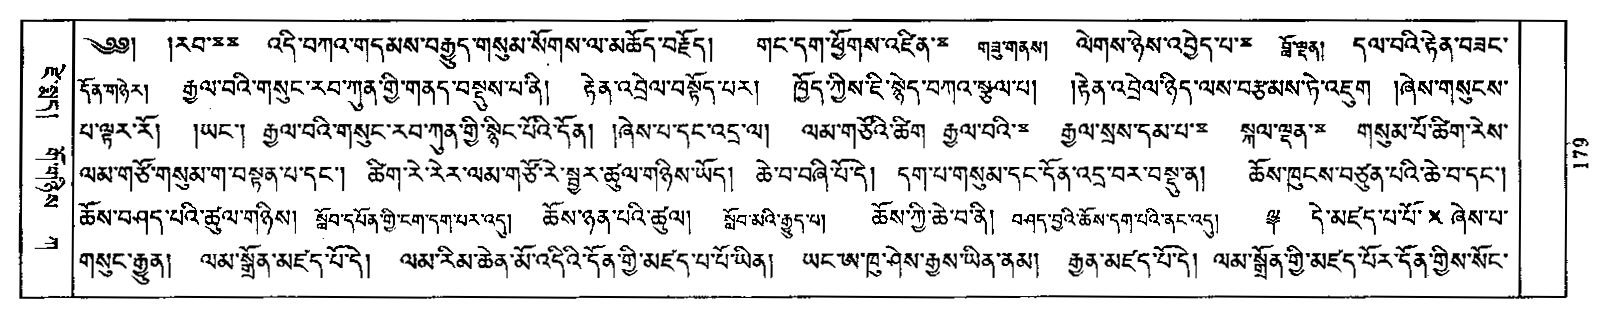༄༅། །རབ་འདི་བཀའ་གདམས་བརྒྱུད་གསུམ་སོགས་ལ་མཆོད་བརྗོད། གང་དག་ཕྱོགས་འཛིན་གཟུ་གནས། ལེགས་ཉེས་འབྱེད་པ་བློ་ལྡན། དལ་བའི་རྟེན་བཟང་
དོན་གཉེར། རྒྱལ་བའི་གསུང་རབ་ཀུན་གྱི་གནད་བསྡུས་པ་ནི། རྟེན་འབྲེལ་བསྟོད་པར། ཁྱོད་ཀྱིས་ཇི་སྙེད་བཀའ་སྩལ་པ། །རྟེན་འབྲེལ་ཉིད་ལས་བརྩམས་ཏེ་འཇུག །ཞེས་གསུངས་
པ་ལྟར་རོ། །ཡང་། རྒྱལ་བའི་གསུང་རབ་ཀུན་གྱི་སྙིང་པོའི་དོན། །ཞེས་པ་དང་འདྲ་ལ། ལམ་གཙོའི་ཚིག་རྒྱལ་བའི་རྒྱལ་སྲས་དམ་པ་སྐལ་ལྡན་གསུམ་པོ་ཚིག་རེས་
ལམ་གཙོ་གསུམ་ག་བསྟན་པ་དང་། ཚིག་རེ་རེར་ལམ་གཙོ་རེ་སྦྱར་ཚུལ་གཉིས་ཡོད། ཆེ་བ་བཞི་པོ་དེ། དག་པ་གསུམ་དང་དོན་འདྲ་བར་བསྡུ་ན། ཆོས་ཁུངས་བཙུན་པའི་ཆེ་བ་དང་།
ཆོས་བཤད་པའི་ཚུལ་གཉིས། སློབ་དཔོན་གྱི་ངག་དག་པར་འདུ། ཆོས་ཉན་པའི་ཚུལ། སློབ་མའི་རྒྱུད་པ། ཆོས་ཀྱི་ཆེ་བ་ནི། བཤད་བྱའི་ཆོས་དག་པའི་ནང་འདུ། ༈ དེ་མཛད་པ་པོ་ཞེས་པ་
གསུང་རྒྱུན། ལམ་སྒྲོན་མཛད་པོ་དེ། ལམ་རིམ་ཆེན་མོ་འདིའི་དོན་གྱི་མཛད་པ་པོ་ཡིན། ཡང་ཨ་ཁུ་ཤེས་རྒྱས་ཡིན་ནམ། རྒྱན་མཛད་པོ་དེ། ལམ་སྒྲོན་གྱི་མཛད་པོར་དོན་གྱིས་སོང་